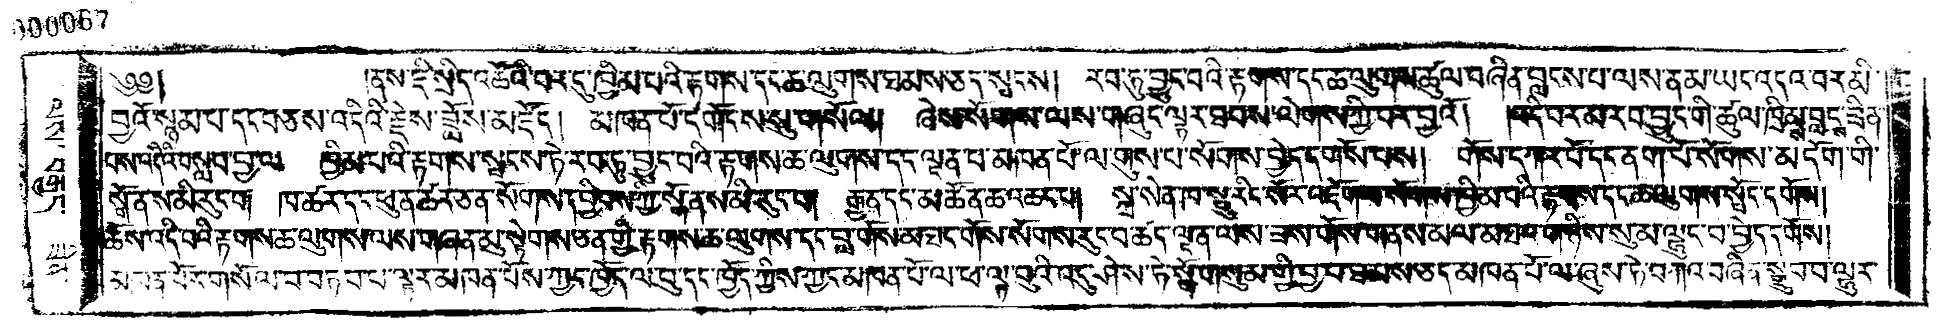༄༅། །ནས་ཇི་སྲིད་འཚོའི་བར་དུ་ཁྱིམ་པའི་རྟགས་དང་ཆ་ལུགས་ཐམས་ཅད་སྤངས། རབ་ཏུ་བྱུང་བའི་རྟགས་དང་ཆ་ལུགས་ཚུལ་བཞིན་བླངས་པ་ལས་ནམ་ཡང་འདའ་བར་མི་
བྱའོ་སྙམ་པ་དང་བཅས་འདིའི་རྗེས་ཟློས་མཛོད། མཁན་པོ་དགོངས་སུ་གསོལ། ཞེས་སོགས་ལས་གཞུང་ལྟར་ཐབས་ལེགས་ཀྱི་བར་བྱའོ། །འདི་བར་མ་རབ་བྱུང་གི་ཚུལ་ཁྲིམས་བླངས་ཟིན་
པས་འདིའི་བསླབ་བྱ་ལ་ཁྱིམ་པའི་རྟགས་སྤངས་ཏེ་རབ་ཏུ་བྱུང་བའི་རྟགས་ཆ་ལུགས་དང་ལྡན་པ་མཁན་པོ་ལ་གུས་པ་སོགས་བྱེད་དགོས་པས། གོས་དཀར་པོ་དང་ནག་པོ་སོགས་མདོག་གི་
སྒོ་ནས་མི་རུང་བ། ཁ་ཚར་དང་ཕུན་ཚར་ཅན་སོགས་དབྱིབས་ཀྱི་སྒོ་ནས་མི་རུང་བ། རྒྱན་དང་མཚོན་ཆ་འཆང་པ། སྐྲ་སེན་ཁ་སྤུ་རིང་སོར་འཇོག་པ་སོགས་ཁྱིམ་པའི་རྟགས་དང་ཆ་ལུགས་སྤོང་དགོས།
ཆོས་འདི་བའི་རྟགས་ཆ་ལུགས་ལས་གཞན་མུ་སྟེགས་ཅན་གྱི་རྟགས་ཆ་ལུགས་དང་བླ་གོས་མཐང་གོས་སོགས་རུང་བ་ཚད་ལྡན་ལས་ཟས་གོས་གནས་མལ་མཐའ་གཉིས་སུ་མ་ལྷུང་བ་བྱེད་དགོས།
མཁན་པོར་གསོལ་བ་བཏབ་པ་ལྟར་མཁན་པོས་ཀྱང་ཁྱོད་ལ་བུ་དང་ཁྱོད་ཀྱིས་ཀྱང་མཁན་པོ་ལ་ཕ་ལྟ་བུའི་འདུ་ཤེས་ཏེ་སྒོ་གསུམ་གྱི་བྱ་བ་ཐམས་ཅད་མཁན་པོ་ལ་ཞུས་ཏེ་བཀའ་བཞིན་སྒྲུབ་པ་ལྷུར་